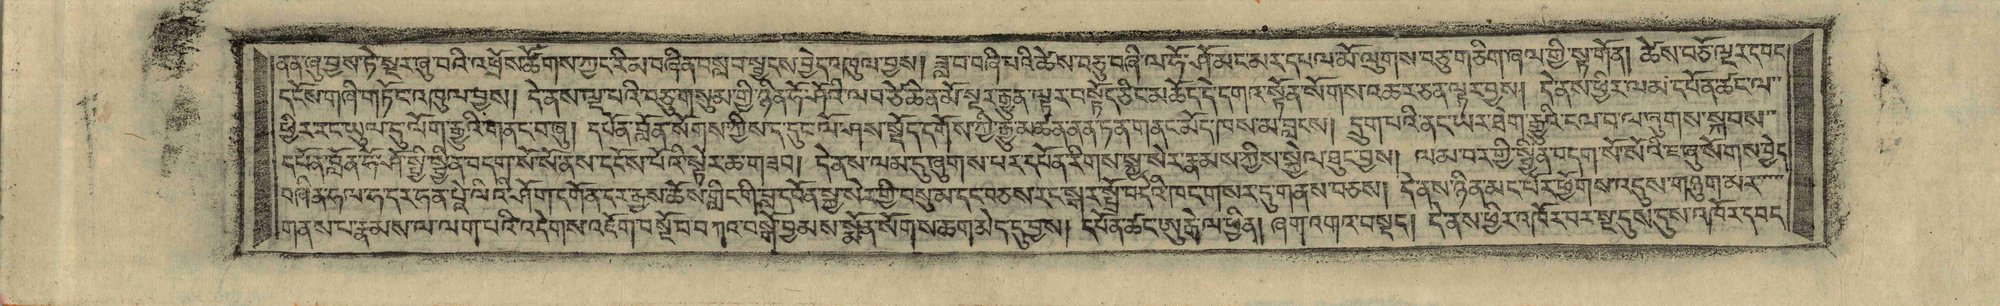ནན་ཞུ་བྱས་ཏེ་སྔར་ཞུ་བའི་འཕྲོས་ཚོགས་ཀྱང་རིམ་བཞིན་བསླབ་སྦྱངས་བྱེད་འཁུལ་བྱས། ཟླ་བ་བཞི་པའི་ཚེས་བཅུ་བཞི་ལ་ཧོ་ཤོ་མང་མར་དཔལ་མོ་ལུགས་བཅུ་གཅིག་ཞལ་གྱི་སྟ་གོན། ཚེས་བཅོ་ལྔར་དབང་
དངོས་གཞི་གཏོང་འཁུལ་བྱས། དེ་ནས་ལྔ་པའི་བཅུ་གསུམ་གྱི་ཉིན་ཧོ་ཤོའི་ལབ་ཙེ་ཆེན་མོ་སྔར་རྒྱུན་ལྟར་བསྟོད་ཅིང་མཆོད་དེ་དགའ་སྟོན་སོགས་འཆར་ཅན་ལྟར་བྱས། དེ་ནས་ཕྱིར་ལམ་དཔོན་ཚང་ལ་
ཕྱིར་རང་ཡུལ་དུ་ལོག་རྒྱུའི་གནང་བ་ཞུ། དཔོན་བློན་སོགས་ཀྱིས་ད་དུང་ལོ་ཤས་སྡོད་དགོས་ཀྱི་རྒྱུ་མཚན་ནན་ཏན་གནང་མོད་ཁས་མ་བླངས། དྲུག་པའི་ནང་ཡར་ཐེག་རྒྱུའི་ངལ་བ་ལ་ཞུགས་སྐབས་
དཔོན་བློན་ཧོ་ཤོ་སྤྱི་སྦྱིན་བདག་སོ་སོ་ནས་དངོས་པོའི་སྟེར་ཆ་གཟབ། དེ་ནས་ལམ་དུ་ཞུགས་པར་དཔོན་རིགས་སྐྱ་སེར་རྣམས་ཀྱིས་སྐྱེལ་ཐུང་བྱས། ལམ་བར་གྱི་སྦྱིན་བདག་སོ་སོའི་ཇ་ཞུ་སོགས་བྱེད་
བཞིན་ཧལ་ཧ་དར་ཧན་པE་ལིའི་ཤོག་དགོན་དར་རྒྱས་ཆོས་གླིང་གི་བླ་དཔོན་སྐྱ་སེར་གྱི་བསུ་མ་དང་བཅས་རང་སྒར་སྤྲོ་བདེའི་ཁང་གསར་དུ་གནས་བཅས། དེ་ནས་ཉིན་མང་པོར་ཕྱོགས་འདུས་གཉུག་མར་
གནས་པ་རྣམས་ལ་ལག་པའི་འདེགས་འཇོག་བསྔོ་བ་བཀའ་བསྒོ་བྱམས་སྨོན་སོགས་ཆག་མེད་དུ་བྱས། དཔོན་ཚང་ཨུ་རྒེ་ལ་ཕྱིན། ཞག་འགར་བསྡད། དེ་ནས་ཕྱིར་འཁོར་བར་སྔ་དུས་དུས་འཁོར་དབང་